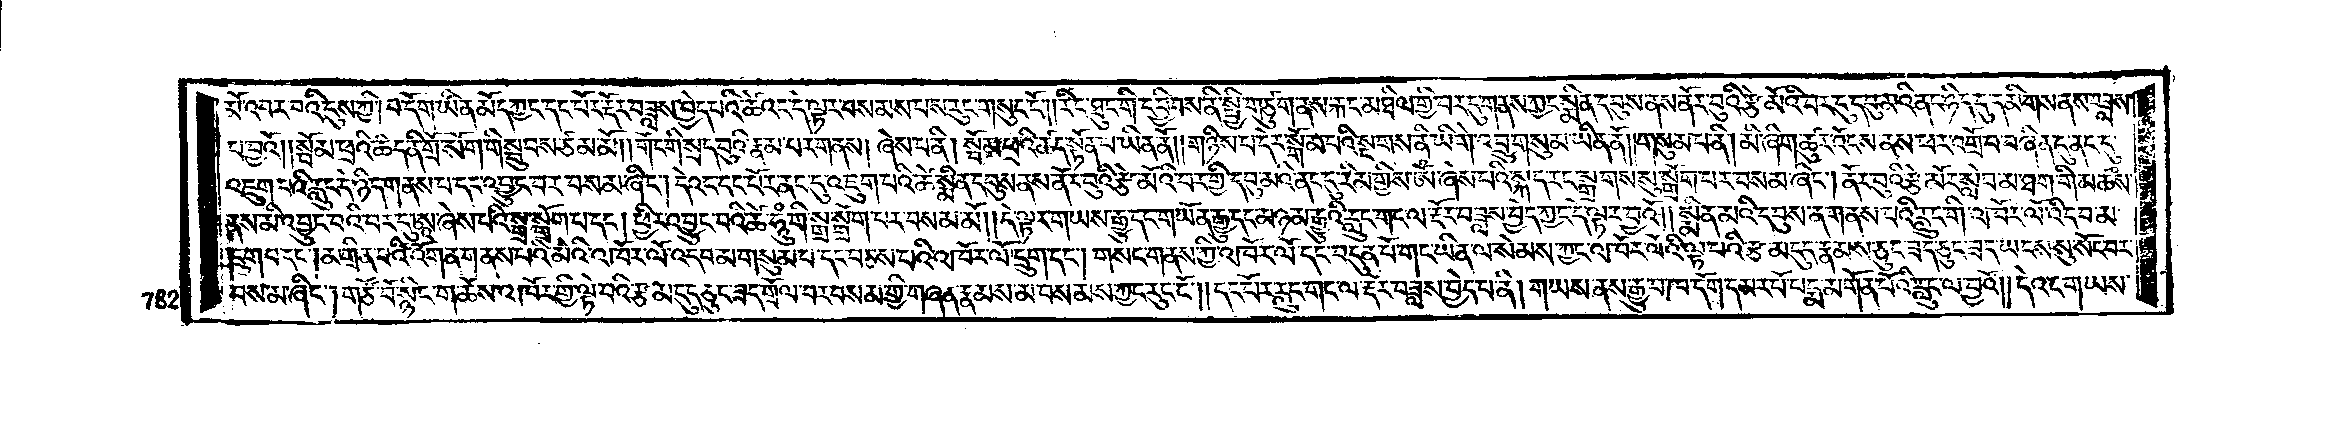མོ་འབར་བའི་དུས་ཀྱི། ཁ་དོག་ཡིན་མོད་ཀྱང་དང་པོར་རྡོར་བཟླས་བྱེད་པའི་ཚེའང་དེ་ལྟར་བསམས་པས་རུང་གསུང་ངོ། །རིང་ཐུང་གི་དབྱིབས་ནི་སྤྱི་གཙུག་ནས་རྐང་མཐིལ་གྱི་བར་དུ་གནས་ཀྱང་སྨིན་དབུས་ནས་ནོར་བུའི་རྩེ་མོའི་བར་དུ་དབུ་མའི་ནང་ཉིད་དུ་དམིགས་ནས་བཟླས་
པ་བྱའོ། །སྦོམ་ཕྲའི་ཚད་ནི་གྲོ་སོག་གི་སྦུབས་ཙམ་མོ། །གོང་གི་སྲད་བུའི་རྣམ་པར་གནས། ཞེས་པ་ནི། སྦོམ་ཕྲའི་ཚད་སྟོན་པ་ཡིན་ནོ། །གཉིས་པ་དེར་སྒོམ་པའི་སྔགས་ནི་ཡི་གེ་འབྲུ་གསུམ་ཡིན་ནོ། །གསུམ་པ་ནི། མི་ཞིག་ཚུར་འོངས་ནས་ཕར་འགྲོ་བ་བཞིན་དུ་ནང་དུ་
འཇུག་པའི་རླུང་དེ་ཉིད་གནས་པ་དང་འབྱུང་བར་བསམ་ཞིང་། དེའང་དང་པོར་ནང་དུ་འཇུག་པའི་ཚེ་སྨིན་དབུས་ནས་ནོར་བུའི་རྩེ་མོའི་བར་གྱི་དབུ་མའི་ནང་དུ་རིམ་གྱིས་ཨོཾ་ཞེས་པའི་སྐད་རང་སྒྲགས་སུ་སྒྲོག་པར་བསམ་ཞིང་། ནོར་བུའི་རྩེ་མོར་སླེབ་མ་ཐག་གི་མཚམས་
ནས་མི་འབྱུང་བའི་བར་དུ་ཨཱ་ཞེས་པའི་སྒྲ་སྒྲོག་པ་དང་། ཕྱིར་འབྱུང་བའི་ཚེ་ཧཱུཾ་གི་སྒྲ་སྒྲོག་པར་བསམ་མོ། །དེ་ལྟར་གཡས་རྒྱུ་དང་གཡོན་རྒྱུ་དང་མཉམ་རྒྱུའི་རླུང་གང་ལ་རྡོར་བཟླས་བྱེད་ཀྱང་དེ་ལྟར་བྱའོ། །སྨིན་མའི་དབུས་ན་གནས་པའི་རླུང་གི་འཁོར་ལོ་འདབ་མ་
དྲུག་པ་དང་། མགྲིན་པའི་འོག་ན་གནས་པའི་མེའི་འཁོར་ལོ་འདབ་མ་གསུམ་པ་དང་བཅས་པའི་འཁོར་ལོ་དྲུག་དང་། གསང་གནས་ཀྱི་འཁོར་ལོ་དང་བདུན་པོ་གང་ཡིན་ལ་སེམས་ཀྱང་འཁོར་ལོའི་ལྟ་བའི་རྩ་མདུད་རྣམས་ཅུང་ཟད་ཅུང་ཟད་ཡོངས་སུ་སོང་བར་
བསམ་ཞིང་། གཙོ་བོ་སྙིང་ག་ཆོས་འཁོར་གྱི་ལྟེ་བའི་རྩ་མདུད་ཅུང་ཟད་གྲོལ་བར་བསམ་གྱི་གཞན་རྣམས་མ་བསམས་ཀྱང་རུང་ངོ། །དང་པོར་རླུང་གང་ལ་རྡོར་བཟླས་བྱེད་པ་ནི། གཡས་ནས་རྒྱུ་བ་ཁ་དོག་དམར་པོ་པདམ་མགོན་པོའི་རླུང་ལ་བྱའོ། །དེའང་གཡས་